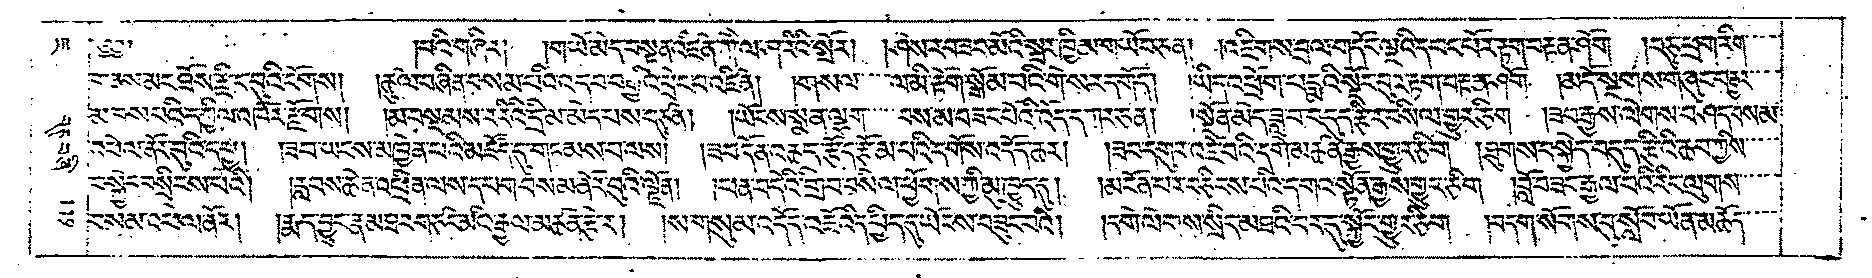༄༅། །པའི་གཞིར། །གཡོ་མེད་བསྟན་འཛིན་ཀཻ་ལ་ཤ་རིའི་སྤོར། །ཤེས་རབ་ཟབ་མོའི་སྦར་ཁྱིམ་གཡོ་བ་ཅན། །འཇིགས་བྲལ་གདོང་ལྔའི་དབང་པོར་རྟག་བརྟན་ཤོག །བཅུ་ཕྲག་རིག་
གནས་མང་ཐོས་རྫིང་བུའི་ངོགས། །ཚུལ་བཞིན་བསམ་པའི་འདབ་བརྒྱའི་ཕྲེང་བ་འཛིན། །གསལ་ལ་མི་རྟོག་སྒོམ་པའི་གེ་སར་དགོད། །ཡིད་འཕྲོག་པདམའི་སྡོང་བུར་རྟག་བརྟན་ཤོག །མདོ་སྔགས་གཞུང་བརྒྱར་
མཁས་པའི་དཀྱིལ་འཁོར་རྫོགས། །མ་བསྡམས་ར་རིའི་དྲི་མ་མེད་པས་བཙུན། །ཡོངས་སྨན་ལྷག་བསམ་བཟང་པོའི་འོད་དཀར་ཅན། །སྔོན་མེད་ཟླ་བ་བདུད་རྩིར་བསིལ་གྱུར་ཅིག །ཟབ་རྒྱས་ལེགས་བཤད་བསམ་
འཕེལ་ནོར་བུའི་དཔྱ། །ཟབ་ཡངས་མཁྱེན་པའི་མཛོད་དུ་གཏམས་པ་ལས། །ཟབ་དོན་འཆད་རྩོད་རྩོམ་པའི་དགོས་འདོད་ཆར། །ཟབ་དགུར་འཇོ་བའི་དགེ་མཚན་རྒྱས་གྱུར་ཅིག །ཐུགས་བསྐྱེད་བདུད་རྩིའི་ཆབ་ཀྱིས་
བསྐྱེད་བསྲིངས་པའི། །རླབས་ཆེན་འཕྲིན་ལས་དཔག་བསམ་ནོར་བུའི་ལྗོན། །ཕན་བདེའི་གྲིབ་བསིལ་ཕྱོགས་ཀྱི་མུ་ཁྱུད་དུ། །མངོན་པར་བཅིངས་པའི་དགའ་སྟོན་རྒྱས་གྱུར་ཅིག །བློ་བཟང་རྒྱལ་བའི་རིང་ལུགས་
བསམ་འཕེལ་ནོར། །རྨད་བྱུང་རྣམ་ཐར་གཙང་མའི་རྒྱལ་མཚན་རྩེར། །ས་གསུམ་འདོད་འཇོའི་དཔྱིད་དུ་ཡོངས་བཟུང་བའི། །དགེ་ལེགས་སྲིད་མཐའི་བར་དུ་སྐྱོང་གྱུར་ཅིག །བདག་སོགས་བུ་སློབ་ཡོན་མཆོད་